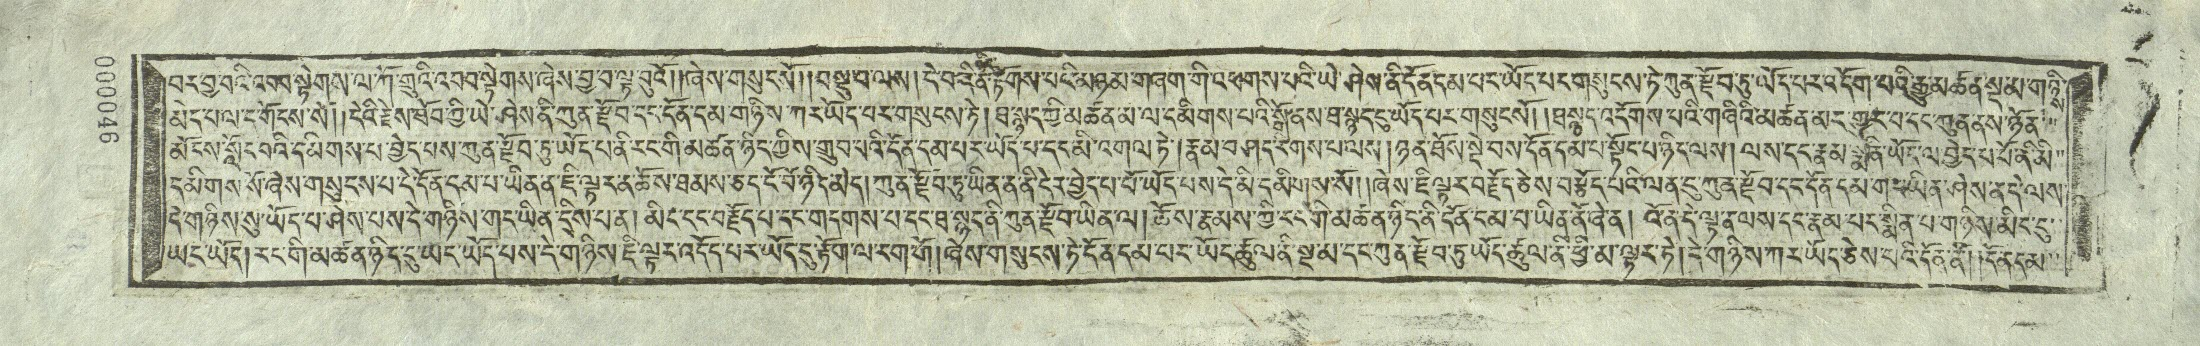བར་བྱ་བའི་འབབ་སྟེགས་ལ་ཀོ་གྲུའི་འབབ་སྟེགས་ཞེས་བྱ་བ་ལྟ་བུའོ། །ཞེས་གསུངས་སོ། །བསྡུ་བ་ལས། དེ་བཞིན་ཉིད་རྟོགས་པའི་མཉམ་གཞག་གི་འཕགས་པའི་ཡེ་ཤེས་ནི་དོན་དམ་པར་ཡོད་པར་གསུངས་ཏེ་ཀུན་རྫོབ་ཏུ་ཡོད་པར་འཇོག་པའི་རྒྱུ་མཚན་སྔ་མ་གཉིས་
མེད་པ་ལ་དགོངས་སོ། །དེའི་རྗེས་ཐོབ་ཀྱི་ཡེ་ཤེས་ནི་ཀུན་རྫོབ་དང་དོན་དམ་གཉིས་ཀར་ཡོད་པར་གསུངས་ཏེ། ཐ་སྙད་ཀྱི་མཚན་མ་ལ་དམིགས་པའི་སྒོ་ནས་ཐ་སྙད་དུ་ཡོད་པར་གསུངས་སོ། །ཐ་སྙད་འདོགས་པའི་གཞིའི་མཚན་མར་གྱུར་པ་དང་ཀུན་ནས་ཉོན་
མོངས་སློང་བའི་དམིགས་པ་བྱེད་པས་ཀུན་རྫོབ་ཏུ་ཡོད་པ་ནི་རང་གི་མཚན་ཉིད་ཀྱིས་གྲུབ་པའི་དོན་དམ་པར་ཡོད་པ་དང་མི་འགལ་ཏེ། རྣམ་བཤད་རིགས་པ་ལས། ཉན་ཐོས་སྡེ་པས་དོན་དམ་པ་སྟོང་པ་ཉིད་ལས། ལས་དང་རྣམ་སྨིན་ཡོད་ལ་བྱེད་པ་པོ་ནི་མི་
དམིགས་སོ་ཞེས་གསུངས་པ་དེ་དོན་དམ་པ་ཡིན་ན་ཇི་ལྟར་ན་ཆོས་ཐམས་ཅད་ངོ་པོ་ཉིད་མེད། ཀུན་རྫོབ་ཏུ་ཡིན་ན་ནི་དེར་བྱེད་པ་པོ་ཡོད་པས་དེ་མི་དམིགས་སོ། །ཞེས་ཇི་ལྟར་བརྗོད་ཅེས་བརྩོད་པའི་ལན་དུ་ཀུན་རྫོབ་དང་དོན་དམ་གང་ཡིན་ཤེས་ན་དེ་ལས་
དེ་གཉིས་སུ་ཡོད་པ་ཤེས་པས་དེ་གཉིས་གང་ཡིན་དྲིས་པ་ན། མིང་དང་བརྗོད་པ་དང་གདགས་པ་དང་ཐ་སྙད་ནི་ཀུན་རྫོབ་ཡིན་ལ། ཆོས་རྣམས་ཀྱི་རང་གི་མཚན་ཉིད་ནི་དོན་དམ་པ་ཡིན་ནོ་ཞེ་ན། འོ་ན་དེ་ལྟ་ན་ལས་དང་རྣམ་པར་སྨིན་པ་གཉིས་མིང་དུ་
ཡང་ཡོད། རང་གི་མཚན་ཉིད་དུ་ཡང་ཡོད་པས་དེ་གཉིས་ཇི་ལྟར་འདོད་པར་ཡོད་དུ་རྟོག་ལ་རག་གོ། ཞེས་གསུངས་ཏེ་དོན་དམ་པར་ཡོད་ཚུལ་ནི་སྔ་མ་དང་ཀུན་རྫོབ་ཏུ་ཡོད་ཚུལ་ནི་ཕྱི་མ་ལྟར་ཏེ། དེ་གཉིས་ཀར་ཡོད་ཅེས་པའི་དོན་ནོ། །དོན་དམ་